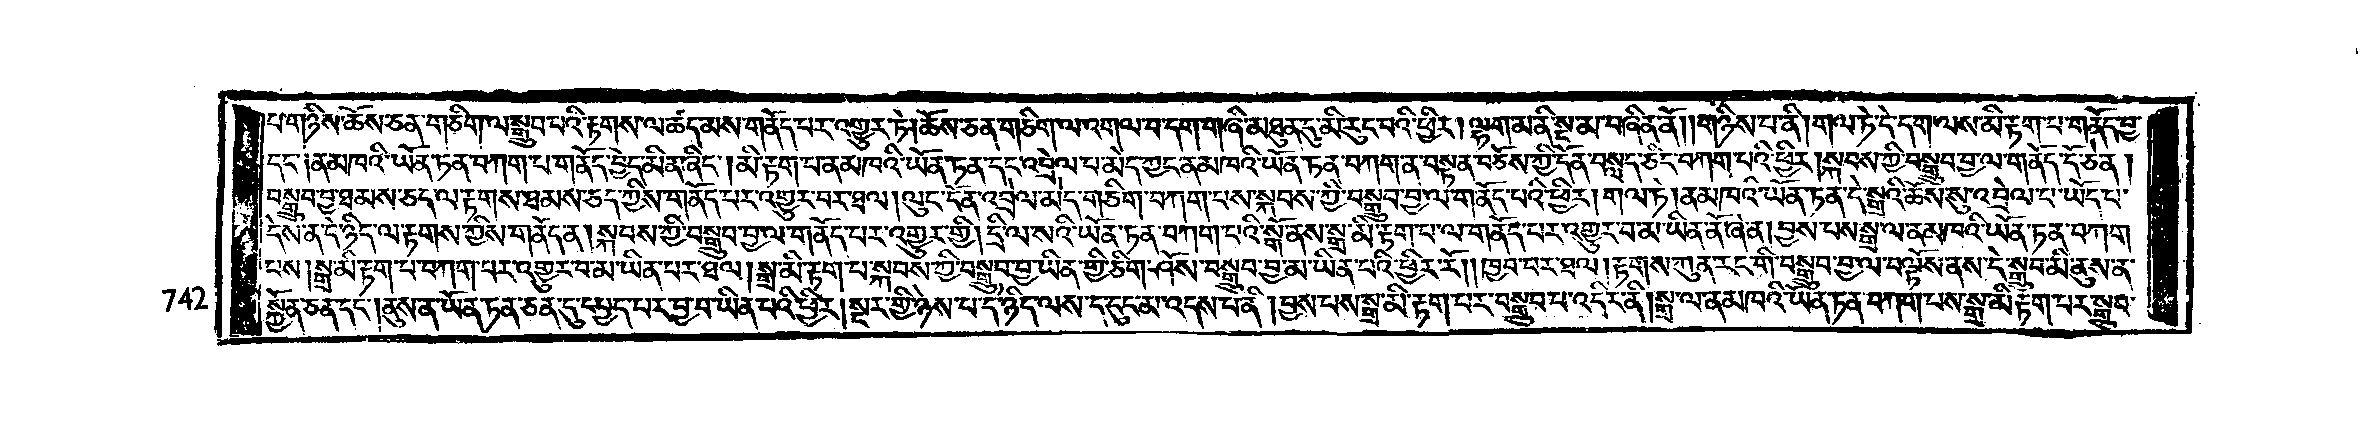པ་གཉིས་ཆོས་ཅན་གཅིག་ལ་སྒྲུབ་པའི་རྟགས་ལ་ཚད་མས་གནོད་པར་འགྱུར་ཏེ། ཆོས་ཅན་གཅིག་ལ་འགལ་བ་དག་གཞི་མཐུན་དུ་མི་རུང་བའི་ཕྱིར། ལྷག་མ་ནི་སྔ་མ་བཞིན་ནོ། །གཉིས་པ་ནི། གལ་ཏེ་དེ་དག་ལས་མི་རྟག་པ་གནོད་བྱ་
དང༑ ནམ་མཁའི་ཡོན་ཏན་བཀག་པ་གནོད་བྱེད་མིན་ཞིང་། མི་རྟག་པ་ནམ་མཁའི་ཡོན་ཏན་དང་འབྲེལ་པ་མེད་ཀྱང་ནམ་མཁའི་ཡོན་ཏན་བཀག་ན་བསྟན་བཅོས་ཀྱི་དོན་བསླད་ཅིང་བཀག་པའི་ཕྱིར། སྐབས་ཀྱི་བསྒྲུབ་བྱ་ལ་གནོད་དོ་ཅེ་ན།
བསྒྲུབ་བྱ་ཐམས་ཅད་ལ་རྟགས་ཐམས་ཅད་ཀྱིས་གནོད་པར་འགྱུར་བར་ཐལ། ལུང་དོན་འབྲེལ་མེད་གཅིག་བཀག་པས་སྐབས་ཀྱི་བསྒྲུབ་བྱ་ལ་གནོད་པའི་ཕྱིར། གལ་ཏེ། ནམ་མཁའི་ཡོན་ཏན་དེ་སྒྲའི་ཆོས་སུ་འབྲེལ་པ་ཡོད་པ་
དེས་ན་དེ་ཉིད་ལ་རྟགས་ཀྱིས་གནོད་ན། སྐབས་ཀྱི་བསྒྲུབ་བྱ་ལ་གནོད་པར་འགྱུར་གྱི། དྲི་ལ་སའི་ཡོན་ཏན་བཀག་པའི་སྒོ་ནས་སྒྲ་མི་རྟག་པ་ལ་གནོད་པར་འགྱུར་བ་མ་ཡིན་ནོ་ཞེ་ན། བྱས་པས་སྒྲ་ལ་ནམ་མཁའི་ཡོན་ཏན་བཀག་
པས། སྒྲ་མི་རྟག་པ་བཀག་པར་འགྱུར་བ་མ་ཡིན་པར་ཐལ། སྒྲ་མི་རྟག་པ་སྐབས་ཀྱི་བསྒྲུབ་བྱ་ཡིན་གྱི་ཅིག་ཤོས་བསྒྲུབ་བྱ་མ་ཡིན་པའི་ཕྱིར་རོ། །ཁྱབ་པར་ཐལ། རྟགས་ཀུན་རང་གི་བསྒྲུབ་བྱ་ལ་བལྟོས་ནས་དེ་སྒྲུབ་མི་ནུས་ན་
སྐྱོན་ཅན་དང་། ནུས་ན་ཡོན་ཏན་ཅན་དུ་དཔྱད་པར་བྱ་བ་ཡིན་པའི་ཕྱིར། སྔར་གྱི་ཉེས་པ་དེ་ཉིད་ལས་ད་དུང་མ་འདས་པ་ནི། བྱས་པས་སྒྲ་མི་རྟག་པར་བསྒྲུབ་པ་འདིར་ནི། སྒྲ་ལ་ནམ་མཁའི་ཡོན་ཏན་བཀག་པས་སྒྲ་མི་རྟག་པར་སྒྲུབ་